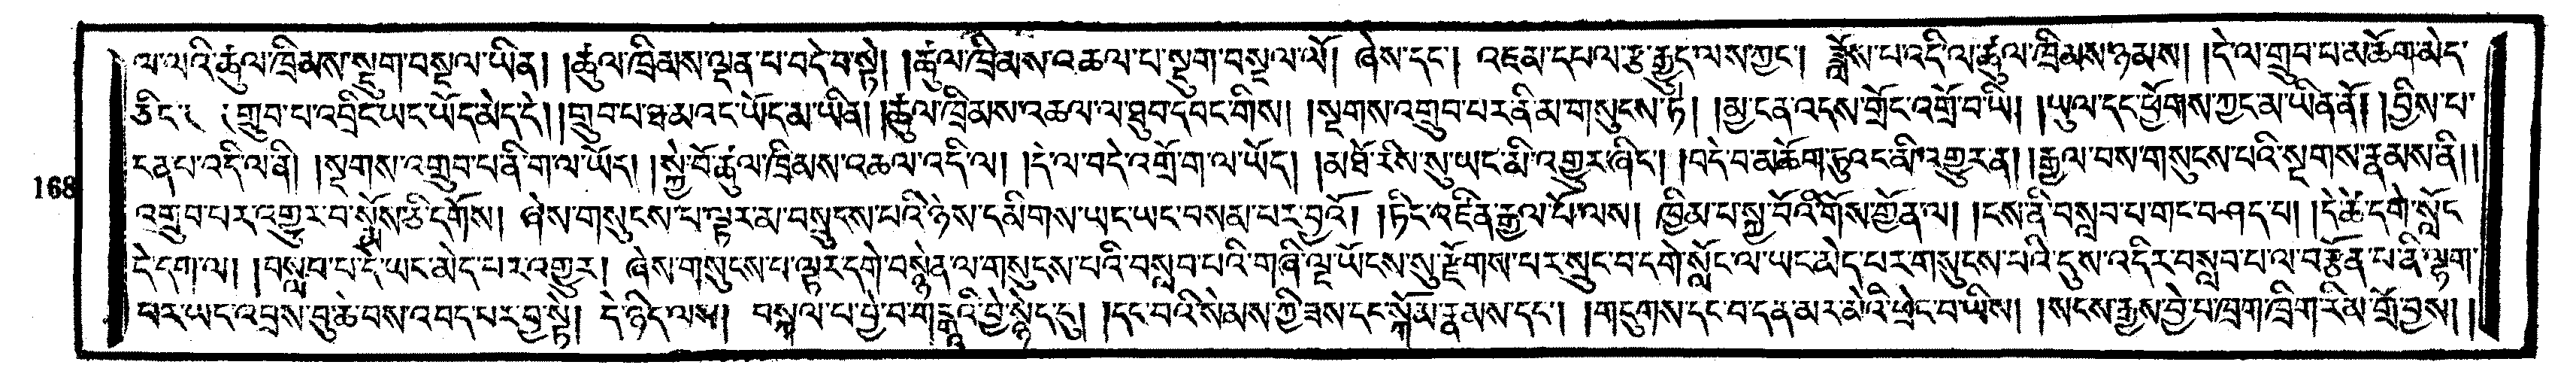ལ་ལའི་ཚུལ་ཁྲིམས་སྡུག་བསྔལ་ཡིན། །ཚུལ་ཁྲིམས་ལྡན་པ་བདེ་བ་སྟེ། །ཚུལ་ཁྲིམས་འཆལ་པ་སྡུག་བསྔལ་ལོ། ཞེས་དང་། འཇམ་དཔལ་རྩ་རྒྱུད་ལས་ཀྱང་། ཟློས་པ་འདི་ལ་ཚུལ་ཁྲིམས་ཉམས། །དེ་ལ་གྲུབ་པ་མཆོག་མེད་
ཅིང༑ ༑གྲུབ་པ་འབྲིང་ཡང་ཡོད་མེད་དེ། །གྲུབ་པ་ཐ་མའང་ཡོད་མ་ཡིན། །ཚུལ་ཁྲིམས་འཆལ་ལ་ཐུབ་དབང་གིས། །སྔགས་འགྲུབ་པར་ནི་མ་གསུངས་ཏེ། །མྱ་ངན་འདས་གྲོང་འགྲོ་བ་ཡི། །ཡུལ་དང་ཕྱོགས་ཀྱང་མ་ཡིན་ནོ། །བྱིས་པ་
ངན་པ་འདི་ལ་ནི། །སྔགས་འགྲུབ་པ་ནི་ག་ལ་ཡོད། །སྐྱེ་བོ་ཚུལ་ཁྲིམས་འཆལ་འདི་ལ། །དེ་ལ་བདེ་འགྲོ་ག་ལ་ཡོད། །མཐོ་རིས་སུ་ཡང་མི་འགྱུར་ཞིང་། །བདེ་བ་མཆོག་ཏུའང་མི་འགྱུར་ན། །རྒྱལ་བས་གསུངས་པའི་སྔགས་རྣམས་ནི།།
འགྲུབ་པར་འགྱུར་བ་སྨོས་ཅི་དགོས། ཞེས་གསུངས་པ་ལྟར་མ་བསྲུངས་པའི་ཉེས་དམིགས་ཡང་ཡང་བསམ་པར་བྱའོ། །ཏིང་འཛིན་རྒྱལ་པོ་ལས། ཁྱིམ་པ་སྐྱ་བོའི་གོས་གྱོན་ལ། །ངས་ནི་བསླབ་པ་གང་བཤད་པ། །དེ་ཚེ་དགེ་སློང་
དེ་དག་ལ། །བསླབ་པ་དེ་ཡང་མེད་པར་འགྱུར། ཞེས་གསུངས་པ་ལྟར་དགེ་བསྙེན་ལ་གསུངས་པའི་བསླབ་པའི་གཞི་ལྔ་ཡོངས་སུ་རྫོགས་པར་སྲུང་བ་དགེ་སློང་ལ་ཡང་མེད་པར་གསུངས་པའི་དུས་འདིར་བསླབ་པ་ལ་བརྩོན་པ་ནི་ལྷག་
པར་ཡང་འབྲས་བུ་ཆེ་བས་འབད་པར་བྱ་སྟེ། དེ་ཉིད་ལས། བསྐལ་པ་བྱེ་བ་གངྒཱའི་བྱེ་སྙེད་དུ། །དང་པའི་སེམས་ཀྱི་ཟས་དང་སྐོམ་རྣམས་དང་། །གདུགས་དང་བ་དན་མར་མེའི་ཕྲེང་བ་ཡིས། །སངས་རྒྱས་བྱེ་པ་ཁྲག་ཁྲིག་རིམ་གྲོ་བྱས།།